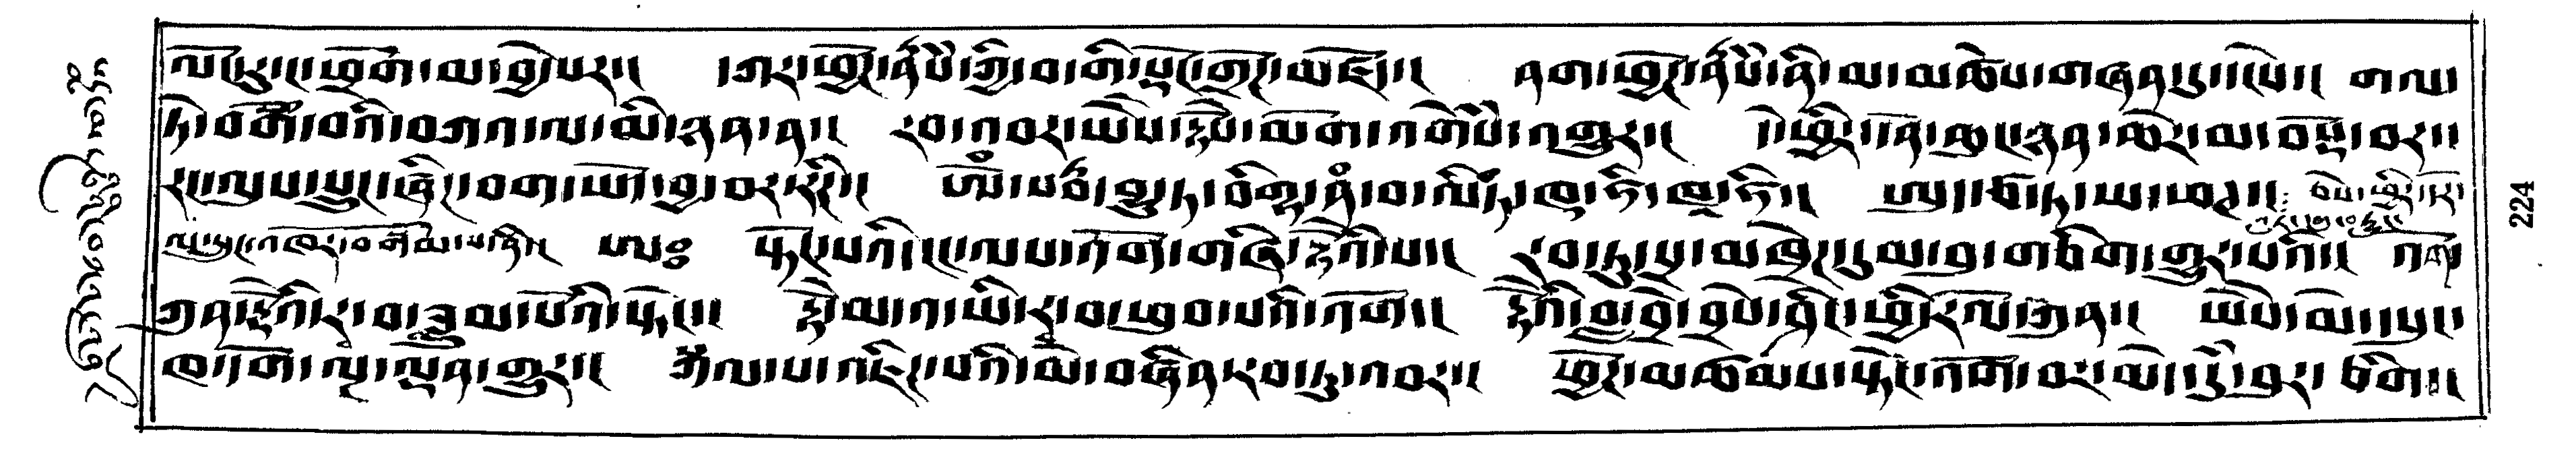ལོང་རུ་ང་ཕྲ་དོག་མ་བྱེད་པར། །དཀར་ཕྱོགས་རྣམས་ཀྱི་བདག་གི་སྡོང་གྲོགས་མཛོད། །ནག་ཕྱོགས་རྣམས་ཀྱིས་མ་འཆེ་གཞན་དུ་དེངས། །གལ་
ཏེ་བསྒོ་བའི་བཀའ་ལ་མི་ཉན་ན། །རབ་འབར་ཡེ་ཤེས་རྡོ་རྗེས་མགོ་འགེམས་འགྱུར། །དེ་ཕྱིར་དོན་ཆུང་ཉན་ཆེར་མ་བསྡོ་བར། །
རང་ལུས་སྲུང་ཞིང་བག་ཡོད་བྱ་བར་རིགས། ཨོཾ་སརྦ་བྷུ་ཏ་བིགྷ་ནཾ་བ་ལིངྟ་ཁཱ་ཧི་ཁཱ་ཧི།ཨུ་ཙ་ཏ་ཡ་ཕཊ། འུར་དགུ་བརྡུང་། ཞེས་ཕྱིར་འདོར་
ལ་སྲུང་འཁོར་བསྒོམ་པ་ནི། ཨཿ སྟོང་པའི་ངང་ལས་འོག་གཞི་རྡོ་རྗེའི་ས། །རབ་ཏུ་སྲ་མཁྲེགས་དུམ་བུ་གཅིག་གྱུར་པའི། །འོག་
ཀུན་རྡོ་རྗེའི་ར་བ་ཟླུམ་པོའི་སྟེང་། །རྡོ་རྗེ་མདའ་ཡི་ར་བ་ཕུབ་པའི་འོག །རྡོ་རྗེའི་བླ་བྲེ་བྲེས་ཤིང་ཕྱིར་རོལ་ཀུན། །ཡེ་ཤེས་མེ་དཔུང་
ཁ་དོག་ལྔ་ལྡན་གྱུར། །བསྐལ་པ་འཇིག་པའི་མེ་བཞིན་རབ་ཏུ་འབར། །ཕྱོགས་མཚམས་སྟེང་འོག་བར་མེད་དུམ་བུར་ཅིག །